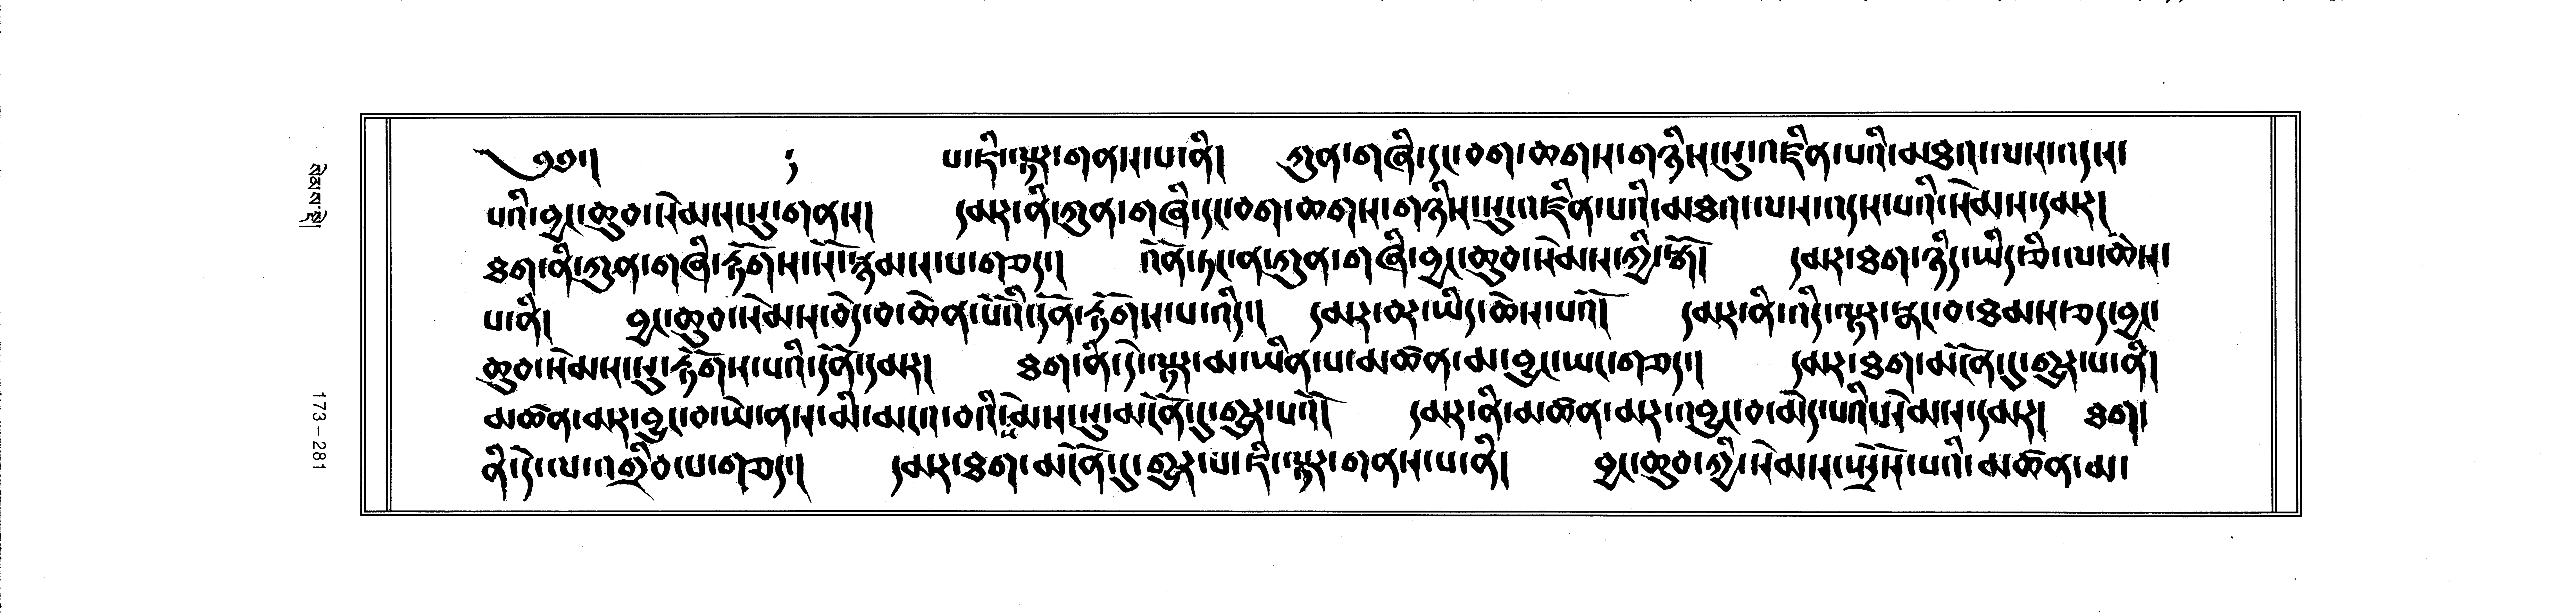པ་ཇི་ལྟར་གནས་པ་ནི། ཀུན་གཞི་དང་བག་ཆགས་གཉིས་སུ་འཛིན་པའི་མཐའ་ལས་འདས་
པའི་བྱང་ཆུབ་སེམས་སུ་གནས། དམར་ནི་ཀུན་གཞི་དང་བག་ཆགས་གཉིས་སུ་འཛིན་པའི་མཐའ་ལས་འདས་པའི་སེམས་དམར། 
ཐག་ནི་ཀུན་གཞི་རྟོགས་སོ་སྙམ་པ་གཅད། འོན་ཏང་ན་ཀུན་གཞི་བྱང་ཆུབ་སེམས་ཀྱི་སྒོ། དམར་ཐག་ཉིད་ཡིད་ཅི་ལ་ཆེས་
པ་ནི། བྱང་ཆུབ་སེམས་བདེ་བ་ཆེན་པོའི་དོན་རྟོགས་པ་འདི་དམར་བར་ཡིད་ཆེས་པའོ། །དམར་ནི་འདི་ལྟར་སྣང་བ་ཐམས་ཅད་བྱང་
ཆུབ་སེམས་སུ་རྟོགས་པའི་དོན་དམར། ཐག་ནི་དེ་ལྟར་མ་ཡིན་པ་མཚན་མ་བྱུང་ཡང་གཅད། དམར་ཐག་མངོན་དུ་གྱུར་པ་ནི། 
མཚན་མར་བྱུང་བ་ཡེ་ནས་མི་མངའ་བའི་སེམས་སུ་ཡེ་ནས་མངོན་དུ་གྱུར་པའོ། །དམར་ནི་མཚན་མར་འབྱུང་བ་མེད་པའི་སེམས་དམར། ཐག་
ནི་དེ་ལ་འགྲིབ་པ་གཅད། དམར་ཐག་མངོན་དུ་གྱུར་པ་ཇི་ལྟར་གནས་པ་ནི། བྱང་ཆུབ་ཀྱི་སེམས་སྤྲོས་པའི་མཚན་མ་